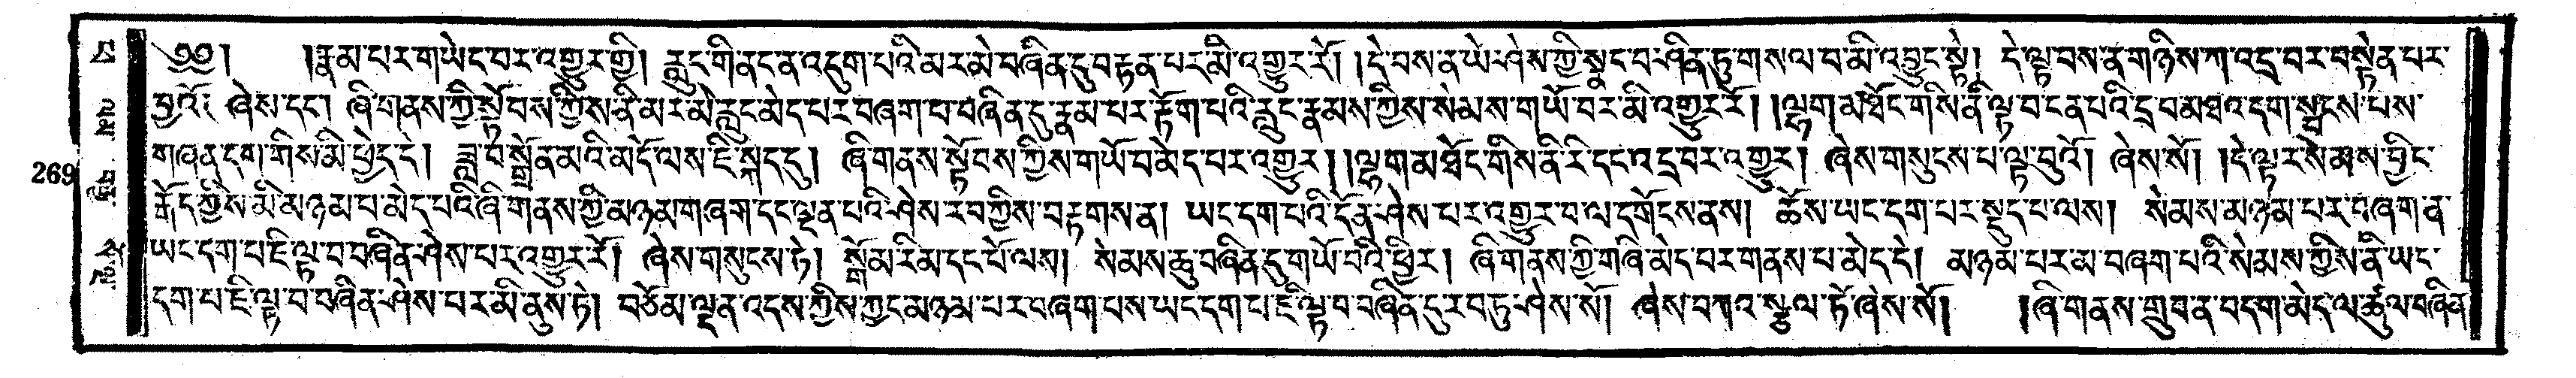༄༅། །རྣམ་པར་གཡེང་བར་འགྱུར་གྱི། རླུང་གི་ནང་ན་འདུག་པའི་མར་མེ་བཞིན་དུ་བརྟན་པར་མི་འགྱུར་རོ། །དེ་བས་ན་ཡེ་ཤེས་ཀྱི་སྣང་བ་ཤིན་ཏུ་གསལ་བ་མི་འབྱུང་སྟེ། དེ་ལྟ་བས་ན་གཉིས་ཀ་འདྲ་བར་བསྟེན་པར་
བྱའོ༑ ཞེས་དང་། ཞིག་གནས་ཀྱི་སྟོབས་ཀྱིས་ནི་མར་མེ་རླུང་མེད་པར་བཞག་པ་བཞིན་དུ་རྣམ་པར་རྟོག་པའི་རླུང་རྣམས་ཀྱིས་སེམས་གཡོ་བར་མི་འགྱུར་རོ། །ལྷག་མཐོང་གིས་ནི་ལྟ་བ་ངན་པའི་དྲ་བ་མཐའ་དག་སྦངས་པས་
གཞན་དག་གིས་མི་ཕྱེད་དེ། ཟླ་བ་སྒྲོན་མའི་མདོ་ལས་ཇི་སྐད་དུ། ཞི་གནས་སྟོབས་ཀྱིས་གཡོ་བ་མེད་བར་འགྱུར། །ལྷག་མཐོང་གིས་ནི་རི་དང་འདྲ་བར་འགྱུར། ཞེས་གསུངས་པ་ལྟ་བུའོ། ཞེས་སོ། །དེ་ལྟར་སེམས་བྱིང་
རྒོད་ཀྱིས་མི་མཉམ་བ་མེད་པའི་ཞི་གནས་ཀྱི་མཉམ་གཞག་དང་ལྡན་པའི་ཤེས་རབ་ཀྱིས་བརྟགས་ན། ཡང་དག་པའི་དོན་ཤེས་པར་འགྱུར་བ་ལ་དགོངས་ནས། ཆོས་ཡང་དག་པར་སྡུད་པ་ལས། སེམས་མཉམ་པར་བཞག་ན་
ཡང་དག་པ་ཇི་ལྟ་བ་བཞིན་ཤེས་པར་འགྱུར་རོ། ཞེས་གསུངས་ཏེ། སྒོམ་རིམ་དང་པོ་ལས། སེམས་ཆུང་བཞིན་དུ་གཡོ་བའི་ཕྱིར། ཞིག་གནས་ཀྱི་གཞི་མེད་པར་གནས་པ་མེད་དེ། མཉམ་པར་མ་བཞག་པའི་སེམས་ཀྱིས་ནི་ཡང་
དག་པ་ཇི་ལྟ་བ་བཞིན་ཤེས་བར་མི་ནུས་ཏེ། བཅོམ་ལྡན་འདས་ཀྱིས་ཀྱང་མཉམ་པར་བཞག་པས་ཡང་དག་པ་ཇི་ལྟ་བ་བཞིན་དུ་རབ་ཏུ་ཤེས་སོ། །ཞེས་བཀའ་སྩལ་ཏོ་ཞེས་སོ། །ཞི་གནས་གྲུབ་ན་བདག་མེད་ལ་ཚུལ་བཞིན་